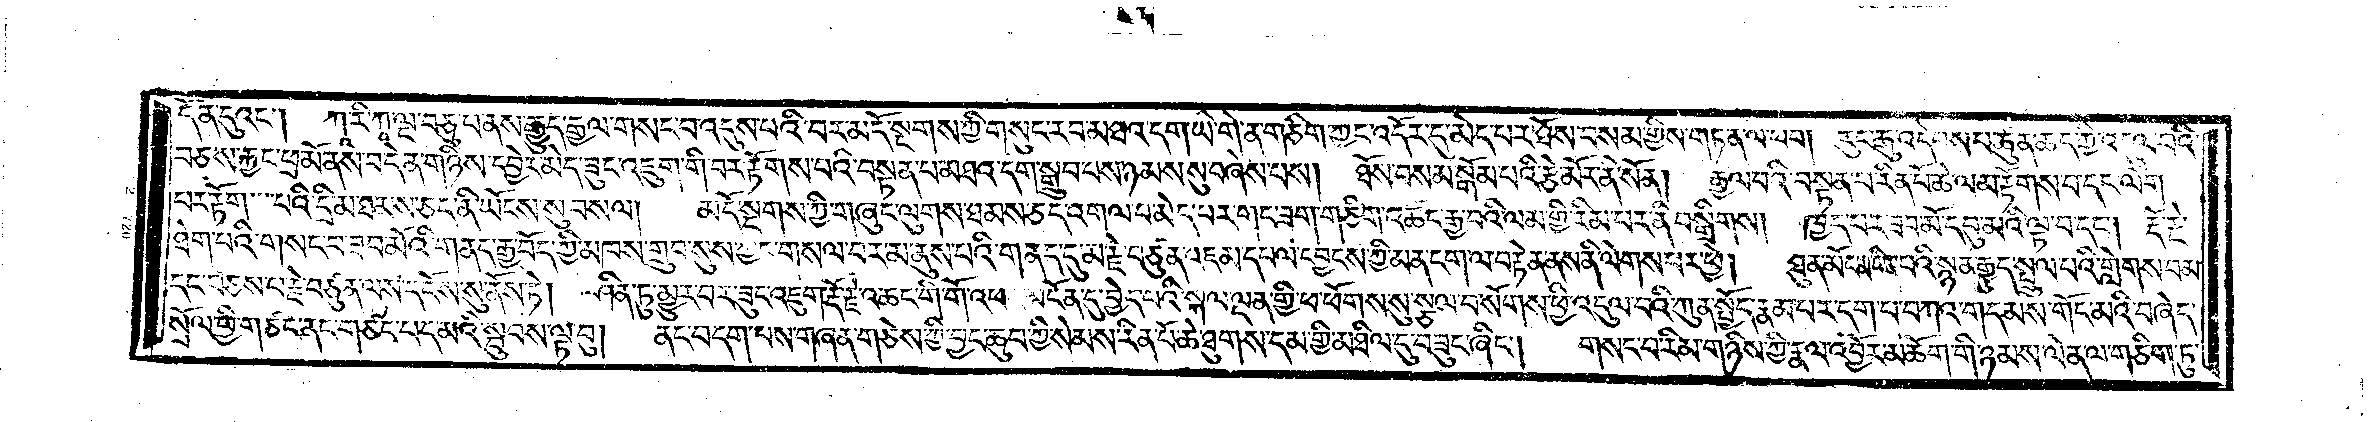དོན་དུའང་། ཀཱ་རི་ཀཱ་ལྔ་བཅུ་པ་ནས་རྒྱུད་རྒྱལ་གསང་བ་འདུས་པའི་བར་མདོ་སྔགས་ཀྱི་གསུང་རབ་མཐའ་དག་ཡི་གེ་ན་གཅིག་ཀྱང་འདེར་དུ་མེད་པར་ཐོས་བསམ་གྱིས་གཏན་ལ་ཕབ། རུང་ཆུ་འདེབས་པ་ཆུན་ཆད་ཀྱི་འདུལ་བའི་
བཅས་རྐྱང་ཕྲ་མོ་ནས་པ་དོན་གཉིས་དབྱེར་མེད་ཟུང་འཇུག་གི་བར་རྟོགས་པའི་བསྟན་པ་མཐའ་དག་སྒྲུབ་པས་ཉམས་སུ་བཞེས་པས། ཐོས་བསམ་སྒོམ་པའི་རྩེ་མོར་ནི་སོན། རྒྱལ་བའི་བསྟན་པ་རིན་པོ་ཆེ་ལ་མ་རྟོགས་པ་དང་ལོག་
པར་རྟོག་པའི་དྲི་མཐར་ས་ཅང་ནི་ཡོངས་སུ་བསལ། མདོ་སྔགས་ཀྱི་གཞུང་ལུགས་ཐམས་ཅད་འགལ་བ་མེད་པར་གང་ཟག་གཅིག་འཚང་རྒྱ་བའི་ལམ་གྱི་རིམ་པར་ནི་བསྒྲིགས། ཁྱད་པར་ཟབ་མོ་དབུ་མའི་ལྟ་བ་དང་། རྡོ་རྗེ་
ཐེག་པའི་གསང་བ་ཟབ་མོའི་གནད་རྒྱ་བོད་ཀྱི་མཁས་གྲུབ་སུས་ཀྱང་གསལ་བར་མ་ནུས་པའི་གནད་དུ་མ་རྗེ་བཙུན་འཇམ་དཔལ་དབྱངས་ཀྱི་མན་ངག་ལ་བརྟེན་ནས་ནི་ལེགས་པར་ཕྱེ། ཐུན་མོང་མ་ཡིན་པའི་སྙན་རྒྱུད་སྤྲུལ་པའི་གླེགས་བམ་
དང་བཅས་པ་རྗེ་བཙུན་ལས་དངོས་སུ་ནོས་ཏེ། ཤིན་ཏུ་མྱུར་བར་ཟུང་འཇུག་རྡོ་རྗེ་འཆང་གི་གོ་འཕང་མངོན་དུ་བྱེད་པའི་སྐལ་ལྡན་གྱི་ཕ་ཕོགས་སུ་སྩལ་བ་སོགས་ཕྱི་འདུལ་བའི་ཀུན་སྤྱོད་རྣམ་པར་དག་པ་བཀའ་གདམས་གོང་མའི་བཞེད་
སྲོལ་གྱི་གཙང་ནང་གཙང་པད་མའི་སྦུབས་ལྟ་བུ། ནང་བདག་པས་གཞན་གཅེས་ཀྱི་བྱང་ཆུབ་ཀྱི་སེམས་རིན་པོ་ཆེ་ཐུགས་དམ་གྱི་མཐིལ་དུ་བཟུང་ཞིང་། གསང་བ་རིམ་གཉིས་ཀྱི་རྣལ་འབྱོར་མཆོག་གི་ཉམས་ལེན་ལ་གཅིག་ཏུ་